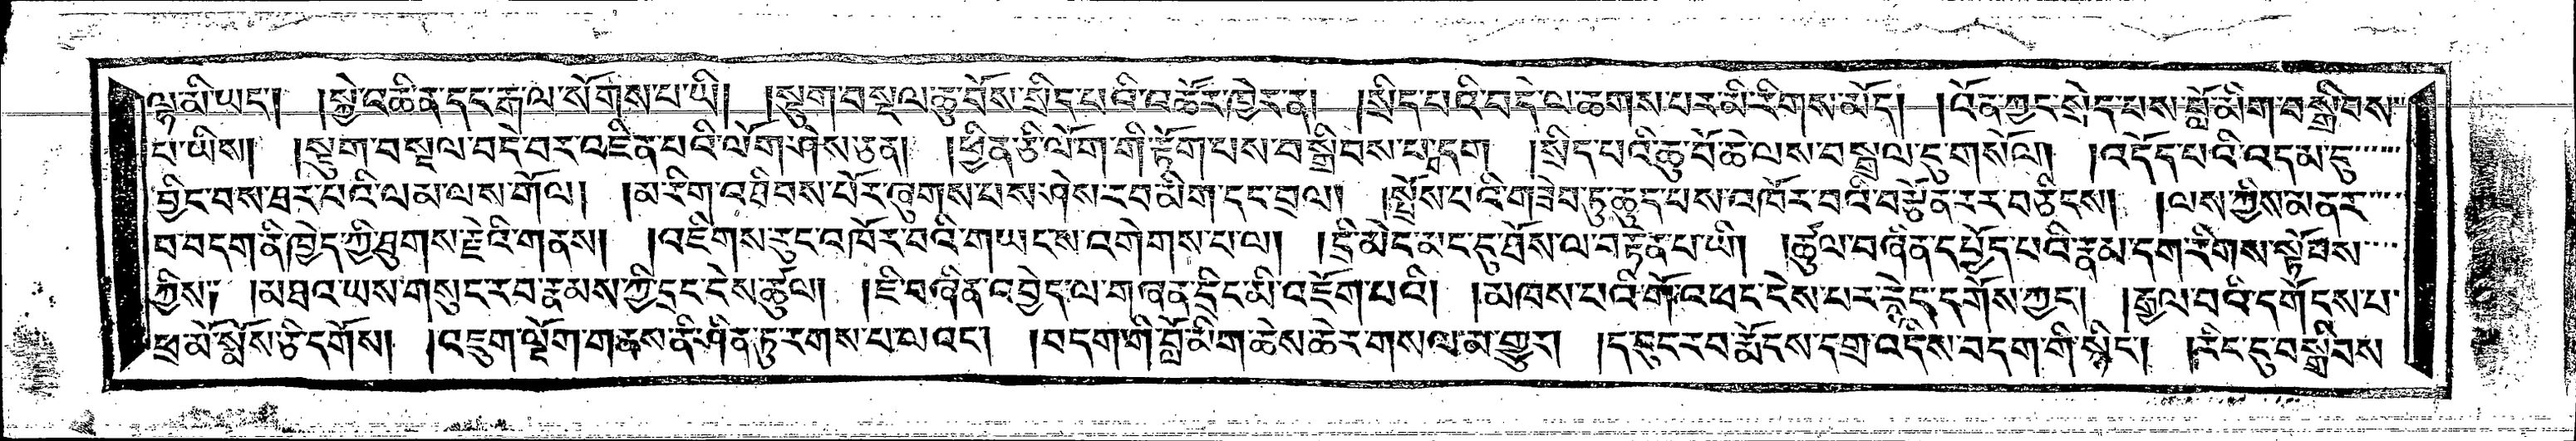ལྷ་མི་ཡང་། །སྐྱེ་འཆི་ན་དང་རྒ་ལ་སོགས་པ་ཡི། །སྡུག་བསྔལ་ཆུ་བོས་སྲིད་པའི་འཚོར་ཁྱེར་ན། །སྲིད་པའི་བདེ་ལ་ཆགས་པར་མི་རིགས་མོད། །འོན་ཀྱང་སྲེད་པས་བློ་མིག་བསྒྲིབས་
པ་ཡིས། །སྡུག་བསྔལ་བདེ་བར་འཛིན་པའི་ལོག་ཤེས་ཅན། །ཕྱིན་ཅི་ལོག་གི་རྟོག་པས་བསྒྲིབས་པ་བདག །སྲིད་པའི་ཆུ་བོ་ཆེ་ལས་བསྒྲལ་དུ་གསོལ། །འདོད་པའི་འདམ་དུ་
བྱིང་བས་ཐར་པའི་ལམ་ལས་གོལ། །མ་རིག་འཐིབས་པོར་ཞུགས་པས་ཤེས་རབ་མིག་དང་བྲལ། །སྤྲོས་པའི་གཟེབ་ཏུ་ཆུད་པས་འཁོར་བའི་བརྩོན་རར་བཅིངས། །ལས་ཀྱིས་མནར་
བ་བདག་ནི་ཁྱེད་ཀྱི་ཐུགས་རྗེའི་གནས། །འཇིགས་རུང་འཁོར་བའི་གཡང་ས་འགེགས་པ་ལ། །དྲི་མེད་མང་དུ་ཐོས་ལ་བརྟེན་པ་ཡི། །ཚུལ་བཞིན་དཔྱོད་པའི་རྣམ་དག་རིགས་སྟོབས་
ཀྱིས༑ །མཐའ་ཡས་གསུང་རབ་རྣམས་ཀྱི་དྲང་ངེས་ཚུལ། །ཇི་བཞིན་འབྱེད་ལ་གཞན་དྲིང་མི་འཇོག་པའི། །མཁས་པའི་གོ་འཕང་ངེས་པར་རྙེད་དགོས་ཀྱང་། །རྒྱལ་བའི་དགོངས་པ་
ཕྲ་མོ་སྨོས་ཅི་དགོས། །འཇུག་ལྡོག་གནས་ནི་ཤིན་ཏུ་རགས་པ་ལའང་། །བདག་གི་བློ་མིག་ཆེས་ཆེར་གསལ་མ་གྱུར། །ད་དུང་རབ་རྨོངས་དགྲ་འདིས་བདག་གི་སྙིང་། །རིང་དུ་བསྒྲིབས་